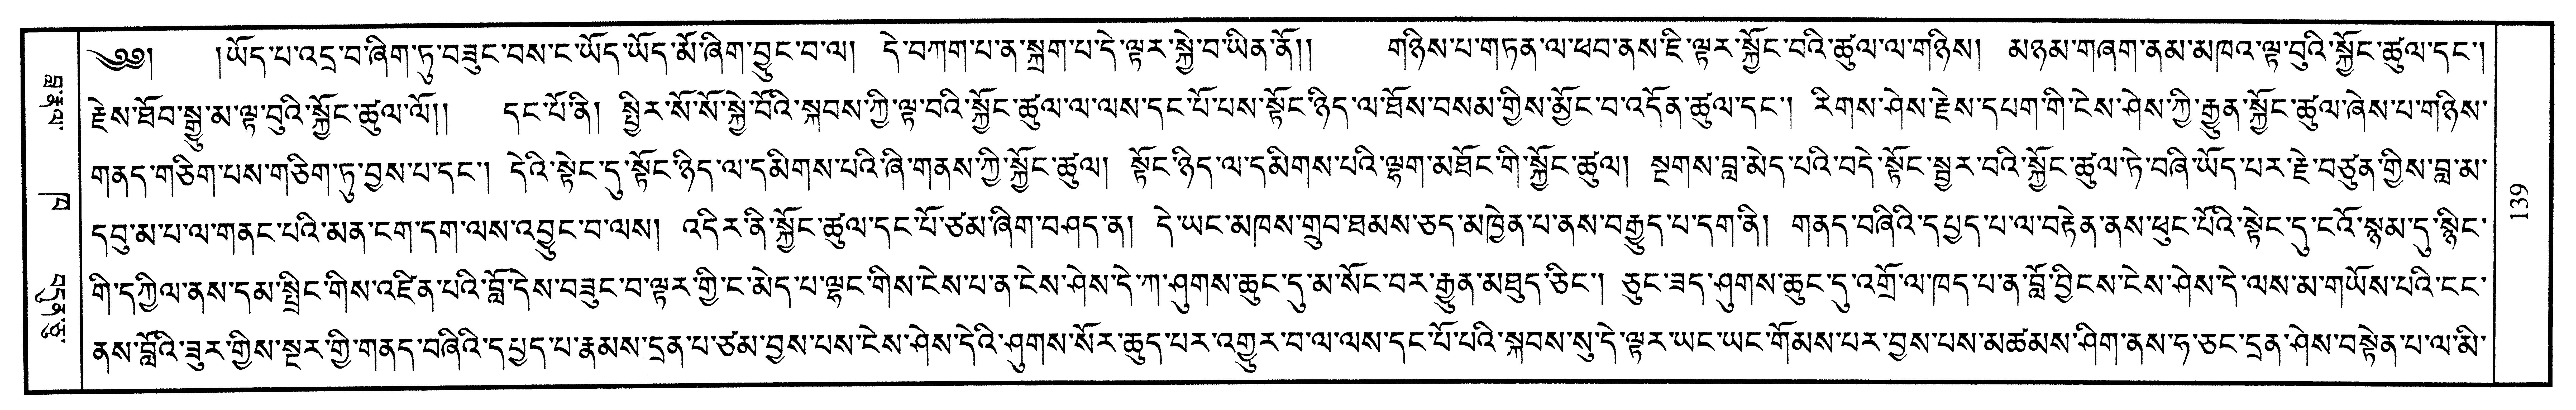༄༅། །ཡོད་པ་འདྲ་བ་ཞིག་ཏུ་བཟུང་བས་ང་ཡོད་ཡོད་མོ་ཞིག་བྱུང་བ་ལ། དེ་བཀག་པ་ན་སྐྲག་པ་དེ་ལྟར་སྐྱེ་བ་ཡིན་ནོ།། གཉིས་པ་གཏན་ལ་ཕབ་ནས་ཇི་ལྟར་སྐྱོང་བའི་ཚུལ་ལ་གཉིས། མཉམ་གཞག་ནམ་མཁའ་ལྟ་བུའི་སྐྱོང་ཚུལ་དང་།
རྗེས་ཐོབ་སྒྱུ་མ་ལྟ་བུའི་སྐྱོང་ཚུལ་ལོ།། དང་པོ་ནི། སྤྱིར་སོ་སོ་སྐྱེ་བོའི་སྐབས་ཀྱི་ལྟ་བའི་སྐྱོང་ཚུལ་ལ་ལས་དང་པོ་པས་སྟོང་ཉིད་ལ་ཐོས་བསམ་གྱིས་མྱོང་བ་འདོན་ཚུལ་དང་། རིགས་ཤེས་རྗེས་དཔག་གི་ངེས་ཤེས་ཀྱི་རྒྱུན་སྐྱོང་ཚུལ་ཞེས་པ་གཉིས་
གནད་གཅིག་པས་གཅིག་ཏུ་བྱས་པ་དང་། དེའི་སྟེང་དུ་སྟོང་ཉིད་ལ་དམིགས་པའི་ཞི་གནས་ཀྱི་སྐྱོང་ཚུལ། སྟོང་ཉིད་ལ་དམིགས་པའི་ལྷག་མཐོང་གི་སྐྱོང་ཚུལ། སྔགས་བླ་མེད་པའི་བདེ་སྟོང་སྦྱར་བའི་སྐྱོང་ཚུལ་ཏེ་བཞི་ཡོད་པར་རྗེ་བཙུན་གྱིས་བླ་མ་
དབུ་མ་པ་ལ་གནང་པའི་མན་ངག་དག་ལས་འབྱུང་བ་ལས། འདིར་ནི་སྐྱོང་ཚུལ་དང་པོ་ཙམ་ཞིག་བཤད་ན། དེ་ཡང་མཁས་གྲུབ་ཐམས་ཅད་མཁྱེན་པ་ནས་བརྒྱུད་པ་དག་ནི། གནད་བཞིའི་དཔྱད་པ་ལ་བརྟེན་ནས་ཕུང་པོའི་སྟེང་དུ་ངའོ་སྙམ་དུ་སྙིང་
གི་དཀྱིལ་ནས་དམ་སྤྲིང་གིས་འཛིན་པའི་བློ་དེས་བཟུང་བ་ལྟར་གྱི་ང་མེད་པ་ལྷང་གིས་ངེས་པ་ན་ངེས་ཤེས་དེ་ཀ་ཤུགས་ཆུང་དུ་མ་སོང་བར་རྒྱུན་མཐུད་ཅིང་། ཅུང་ཟད་ཤུགས་ཆུང་དུ་འགྲོ་ལ་ཁད་པ་ན་བློ་བྱིངས་ངེས་ཤེས་དེ་ལས་མ་གཡོས་པའི་ངང་
ནས་བློའི་ཟུར་གྱིས་སྔར་གྱི་གནད་བཞིའི་དཔྱད་པ་རྣམས་དྲན་པ་ཙམ་བྱས་པས་ངེས་ཤེས་དེའི་ཤུགས་སོར་ཆུད་པར་འགྱུར་བ་ལ་ལས་དང་པོ་པའི་སྐབས་སུ་དེ་ལྟར་ཡང་ཡང་གོམས་པར་བྱས་པས་མཚམས་ཤིག་ནས་ཧ་ཅང་དྲན་ཤེས་བསྟེན་པ་ལ་མི་